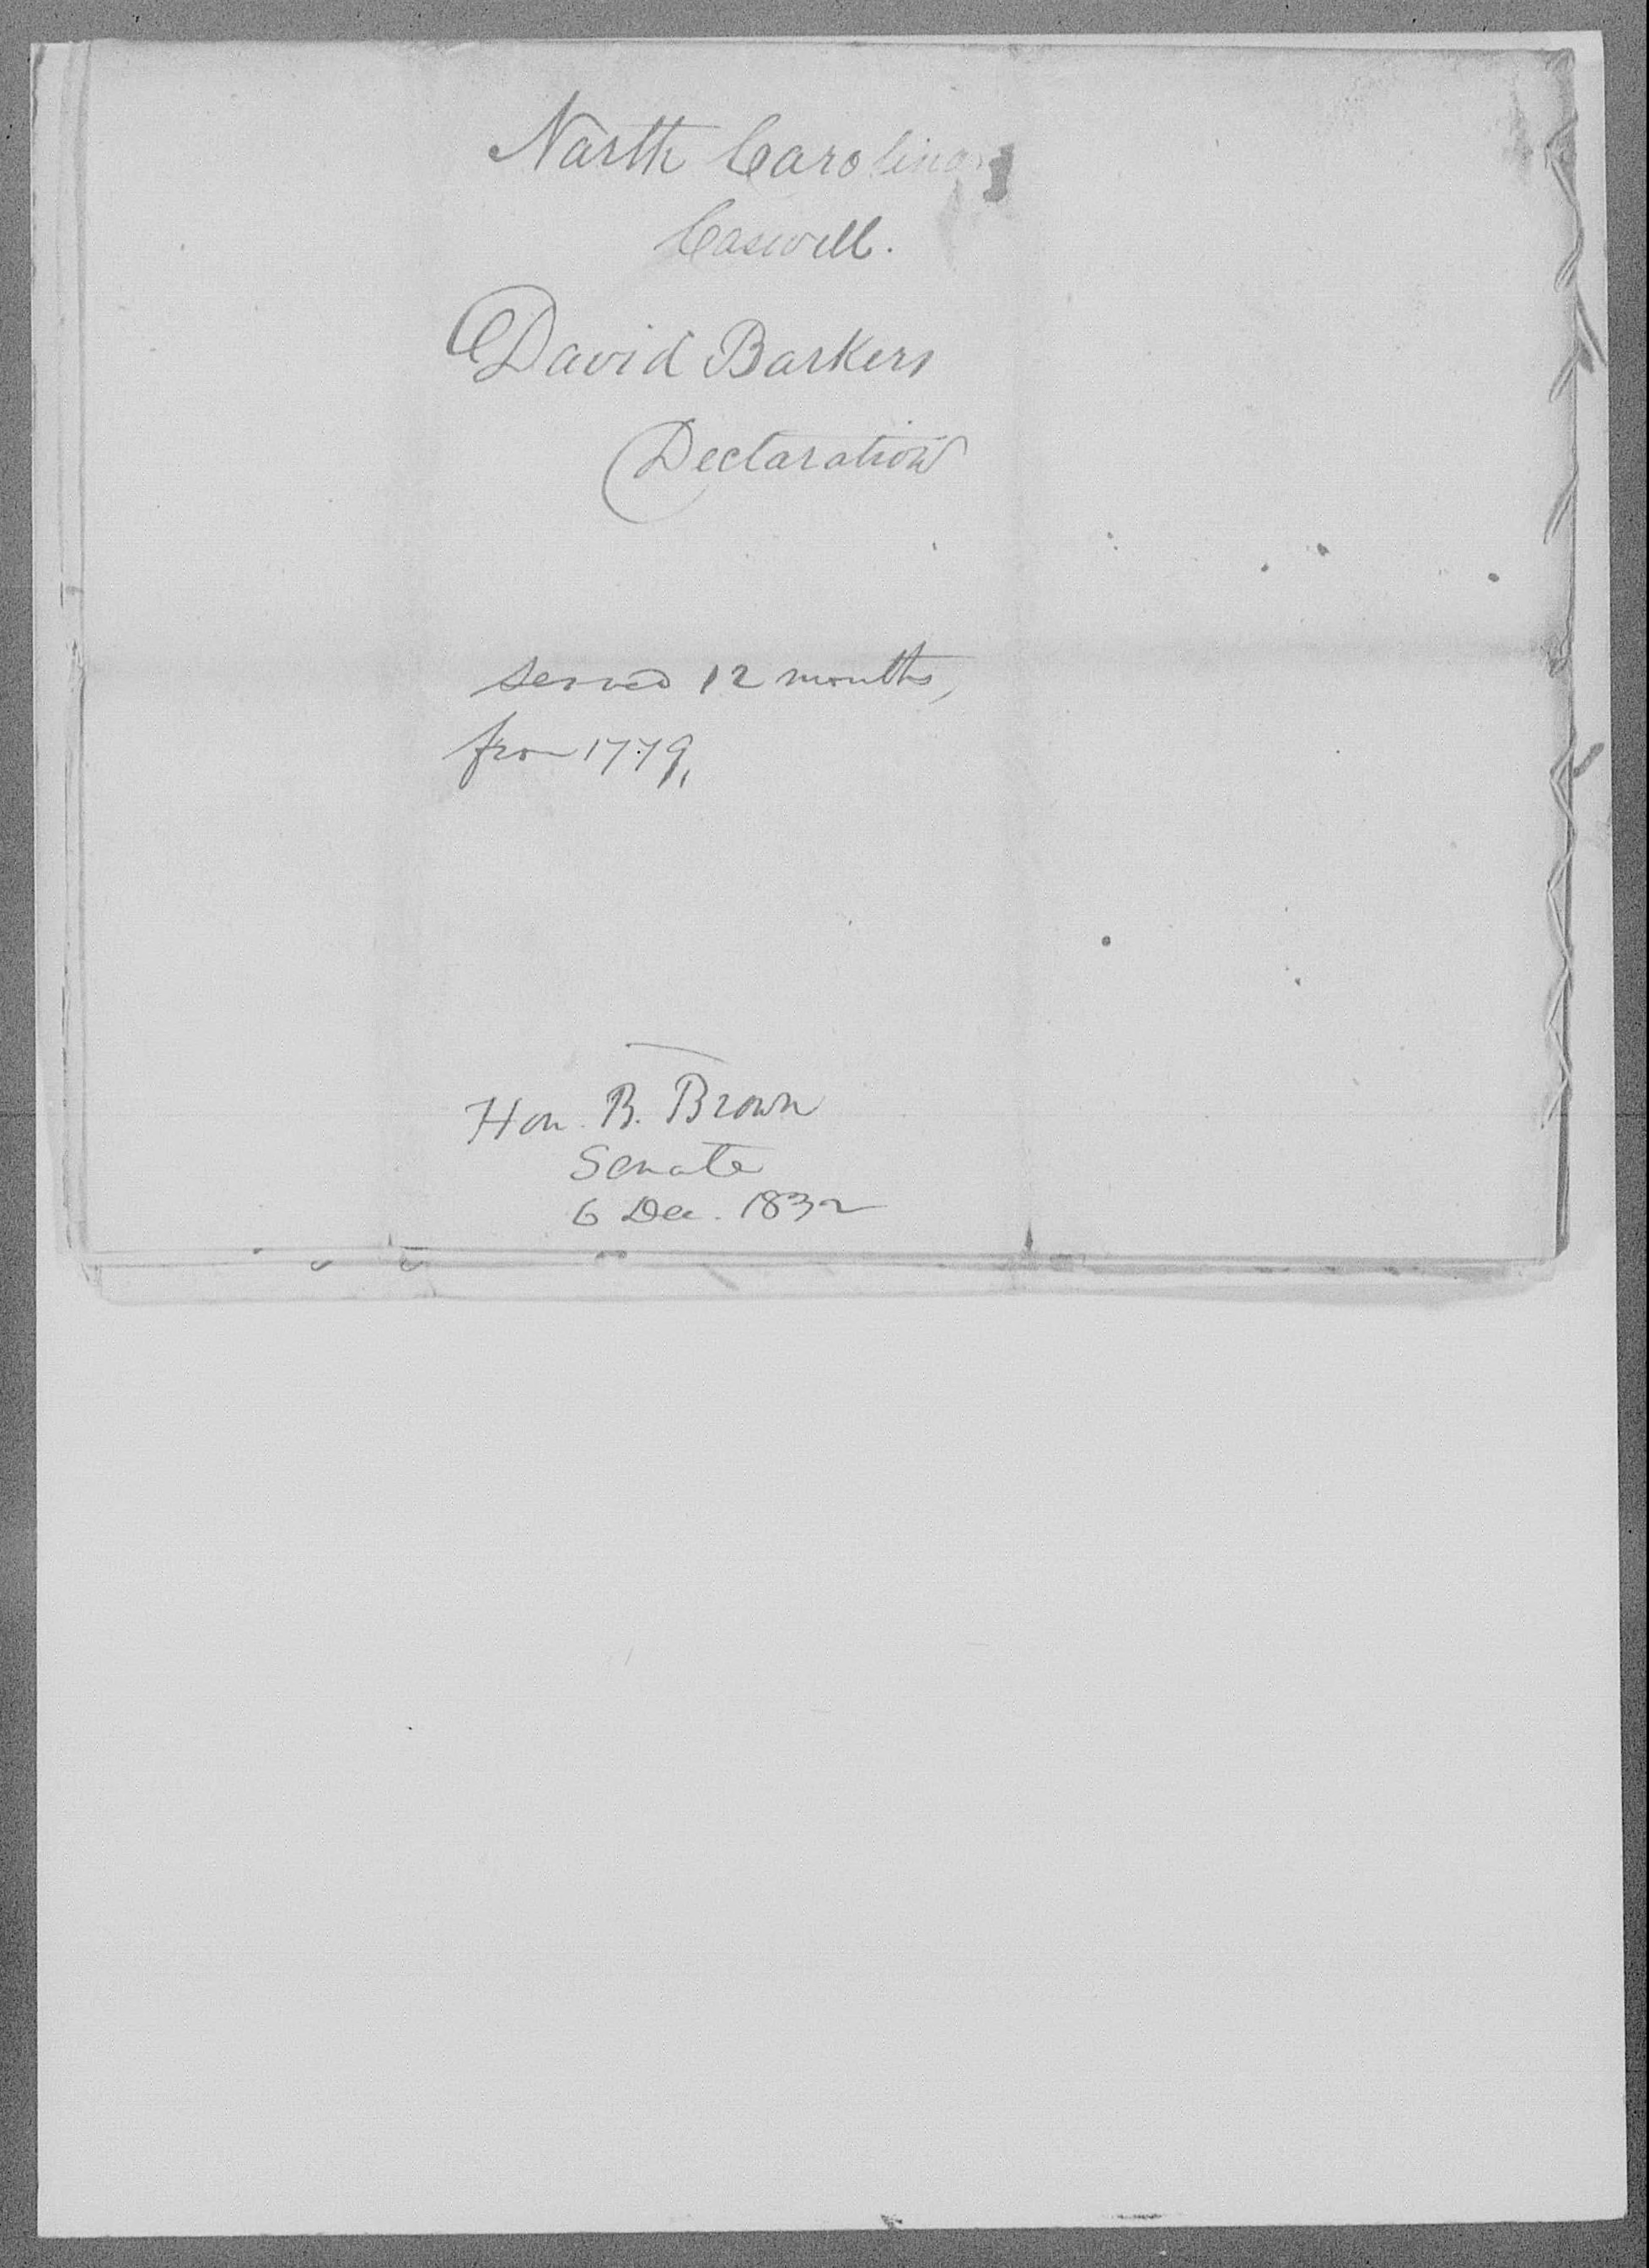North Carolina
Caswell
David Barker
Declaration

served 12 months, from 1779

Hon B Brown
Senate
6 Dec 1832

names: David Barkers, B Brown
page: 3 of 23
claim: survivor's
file: S. 6560, David Barker, N.C.